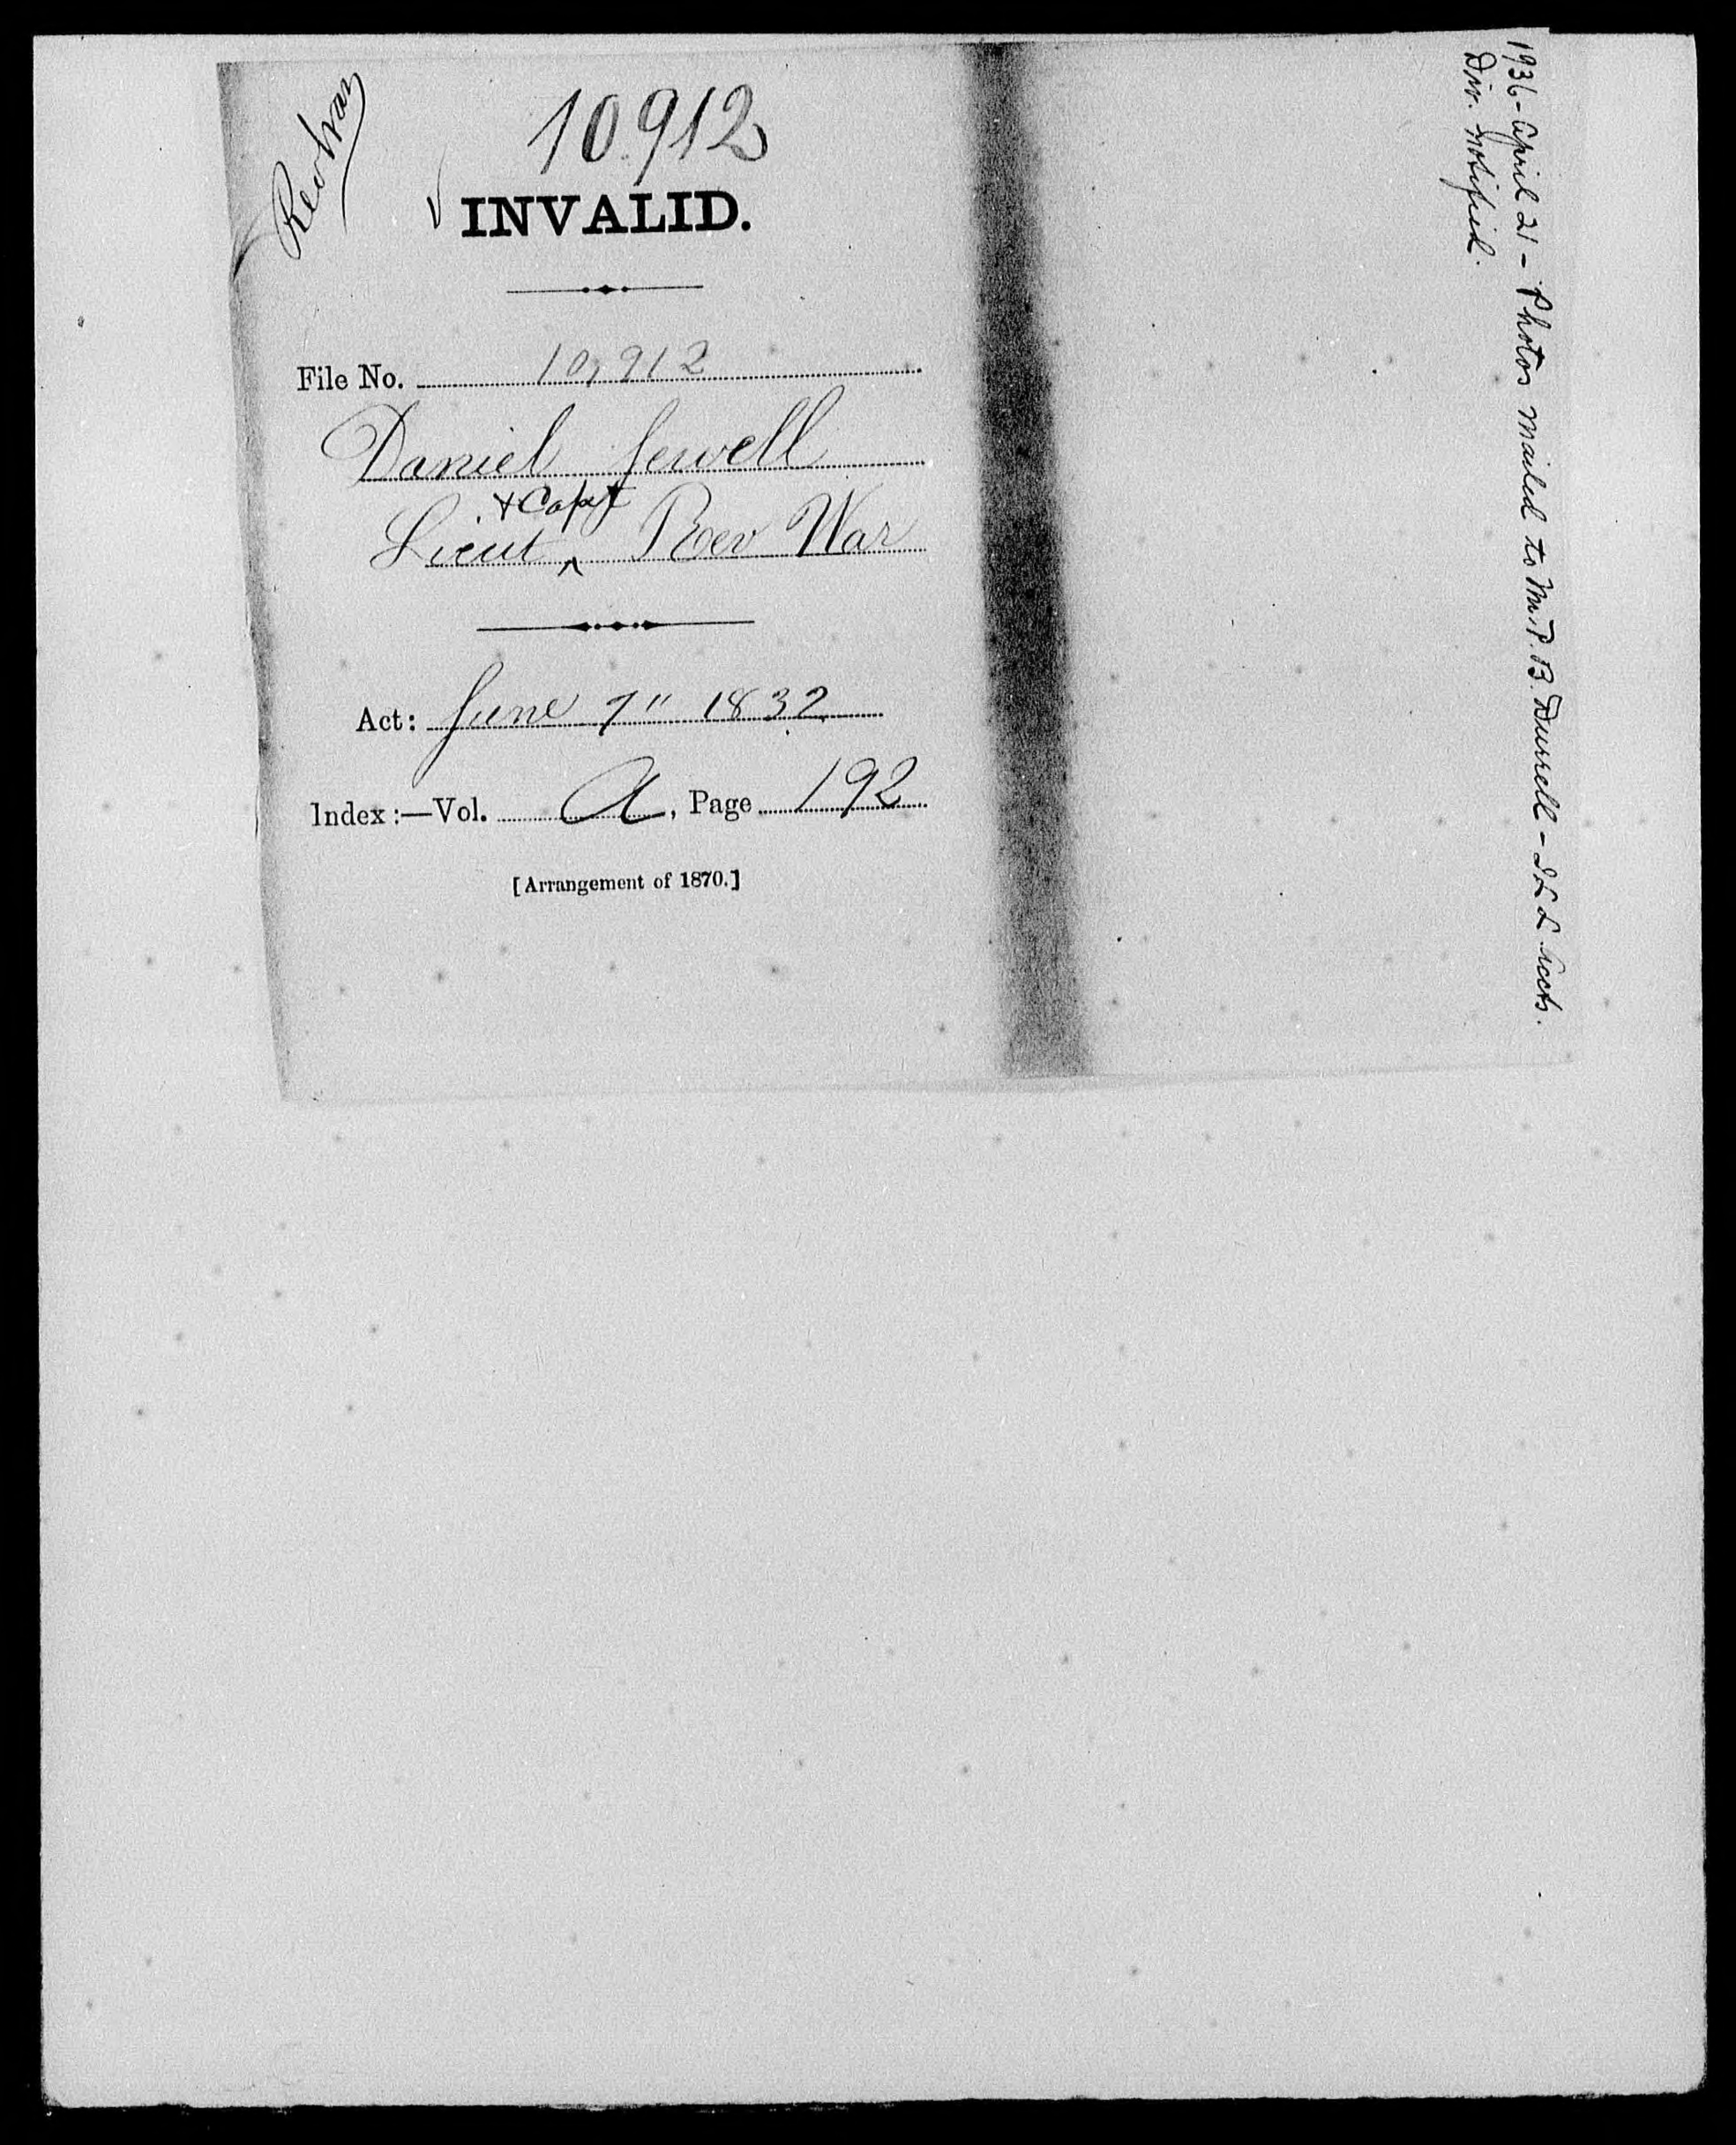Revolutionary  10.912
INVALID.
File No. 10.912
Daniel Jewell Lieut & Capt.  Rev War

Act: June 7 1832
Index: -- Vol. A, Page 192
[Arrangement of 1870.]

[right sideways]
1936- April 21 - Photos mailed to Mr. P.B. Durell
JLL Accts.

Div. notified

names: P B Durrell; Daniel Jewell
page: 33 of 35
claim: survivor's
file: S. 10912, for Daniel Jewell, New Hampshire